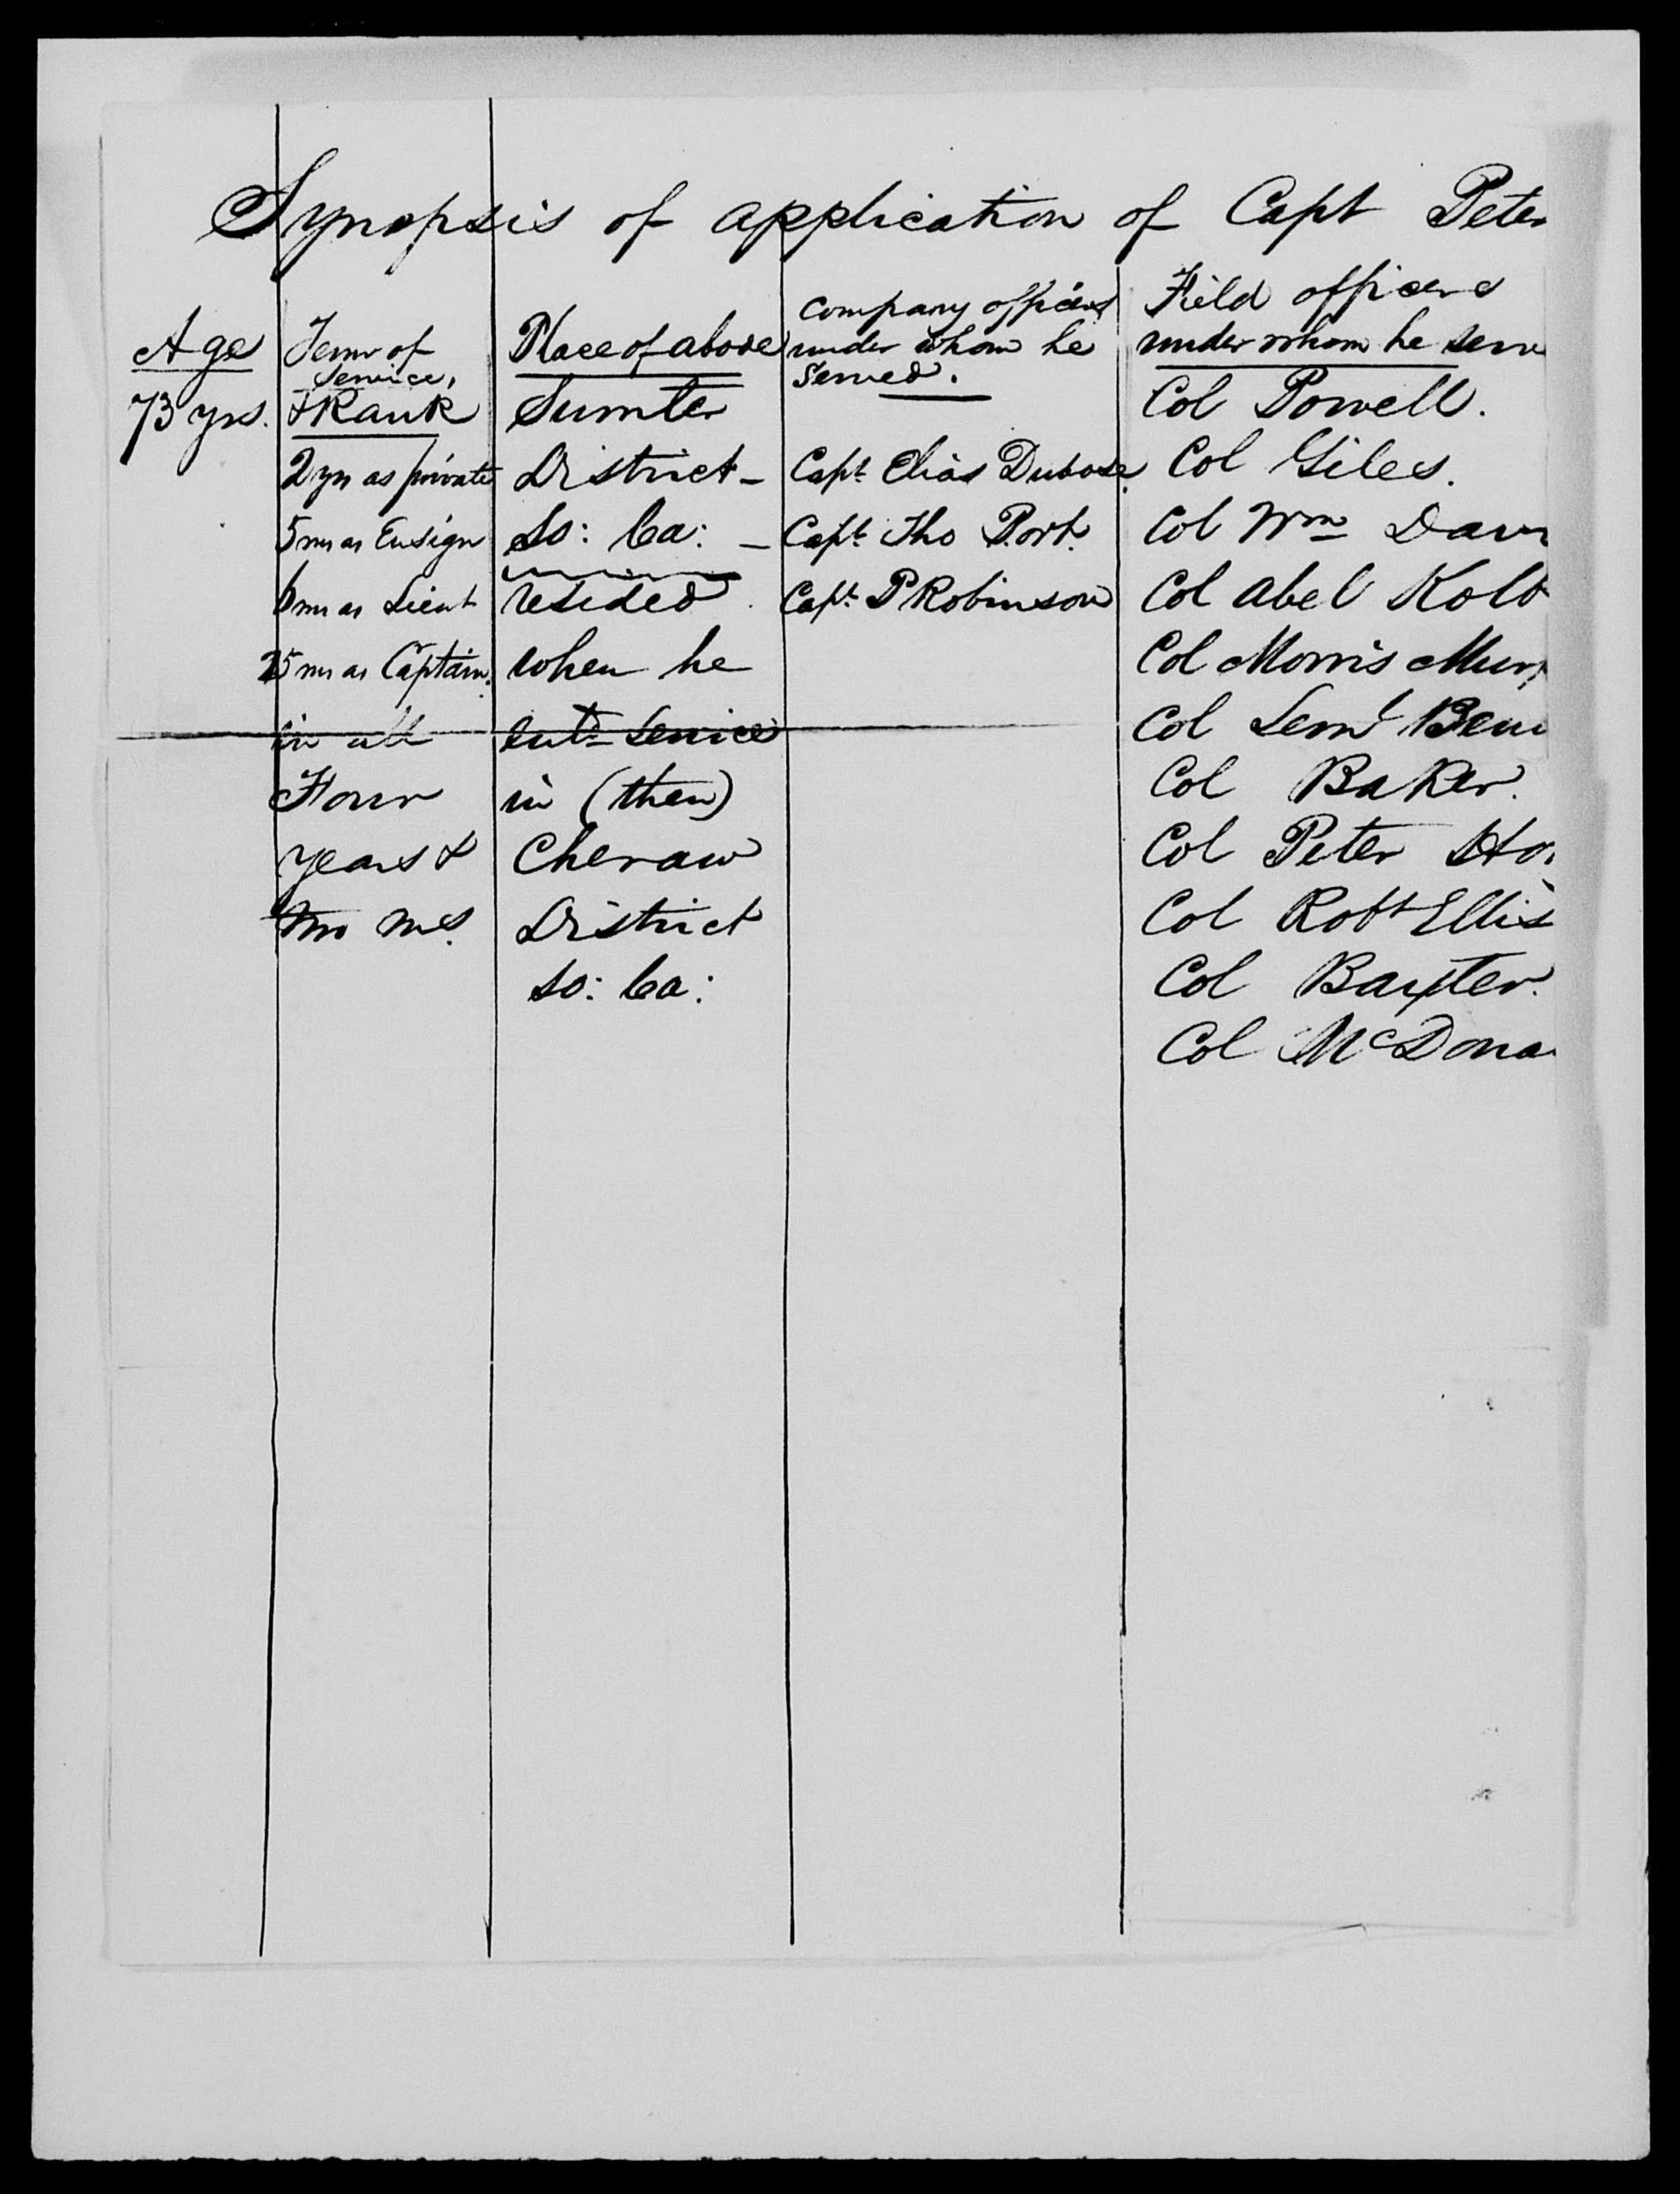Synopsis of Captain Peter ... ( missing ) Age 73 years . Term of service & Rank .  2 yrs as private , 5 mos as Ensign, 6 mos as Lieut. ,  25 mos as Captain in all four years & mo ans. Place of Abode  . Sumter District So. Ca.  resided when he entr. service in ( then ) Cheraw  District  So. Ca. Company  officers under whom he served . Capt. Elias Dubose, Capt. Tho. Port, Capt. P Robinson. Field officers under whom he served . Col. Powell, Col. Giles, Col. Wm  Davis , Col. Abel Kolb , Col. Saml Ben.. ( missing  ) Col. Baker, Col. Peter Ho .. ( missing ) Col. Robt Ellis , Col. Baxter , Col Mc Dona .. ( missing )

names: Abel Kolb, P Robinson, Peter, Peter, Morris, Elias Dubose, Baker, Baxter, Powell, Wm Davis, Tho Port, , Robt Ellis, Leml, Giles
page: 23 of 43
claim: survivor's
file: S. 21163, Peter Dubose, S.C.